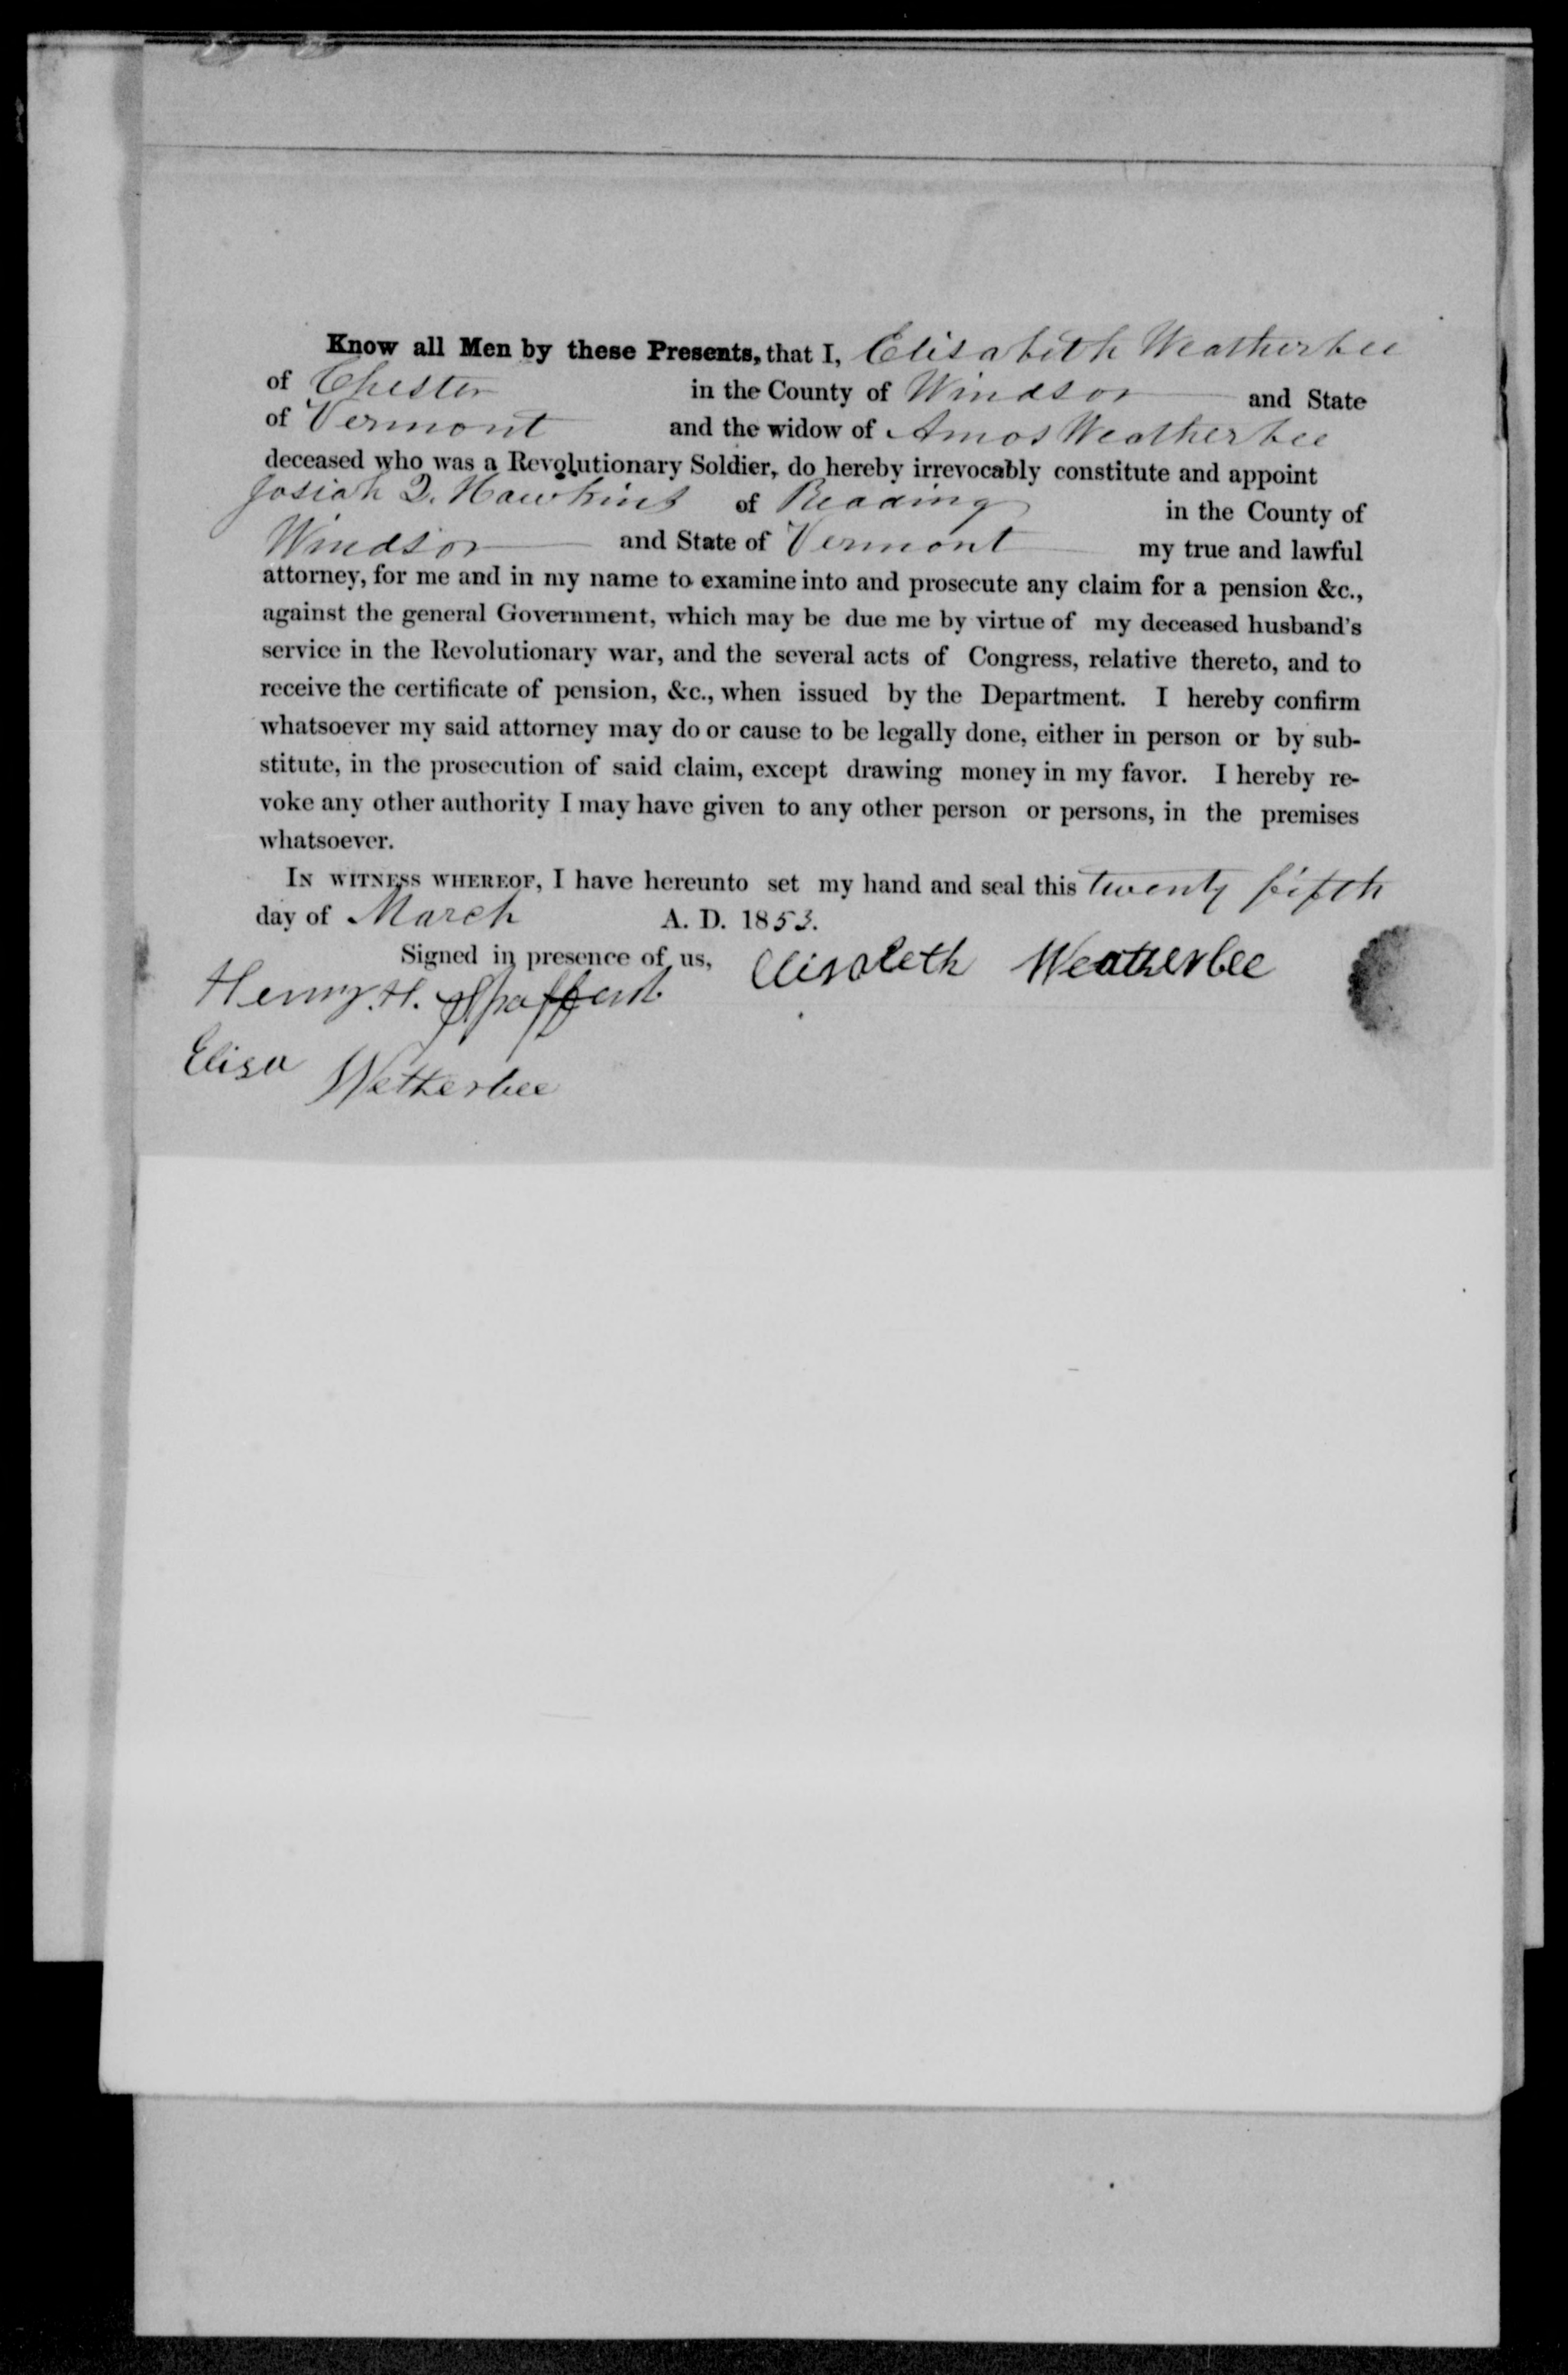Know all Men by these Presents, that I, Elisabeth Weatherbee of Chester in the County of Windsor and State of Vermont and the widow of Amos Weatherbee deceased who was a Revolutionary Soldier, do hereby irrevocably constitute and appoint Josiah Q. Hawkins of Reading in the County of Windsor and State of Vermont my true and lawful attorney, form me and in my name to examine into and prosecute any claim for a pension  &c. against the general Government, which may be due me by virtue of my deceased husband's service in the Revolutionary war, and issued by the Department. I hereby confirm whatsoever my said Attorney may do or cause to be legally done, either in person or by substitute, in the prosecution of said claim, except drawing money in my favor. I hereby revoke any other authority I may have given to any other person or persons, in the premises whatsoever.
In Witness whereof, I have hereunto set my hand and seal this twenty fifth day of March A. D. 1853.  (seal)
Elisabeth Weatherbee
Signed in presence of us,
Henry H. Spafford
Elisa Wetherbee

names: Josiah Q Hawkins, Elisabeth Weatherbee, Henry H Spafford, Amos Weatherbee, Elisa Wetherbee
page: 15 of 66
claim: widow's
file: W. 2468, Amos Wetherbee, Mass.